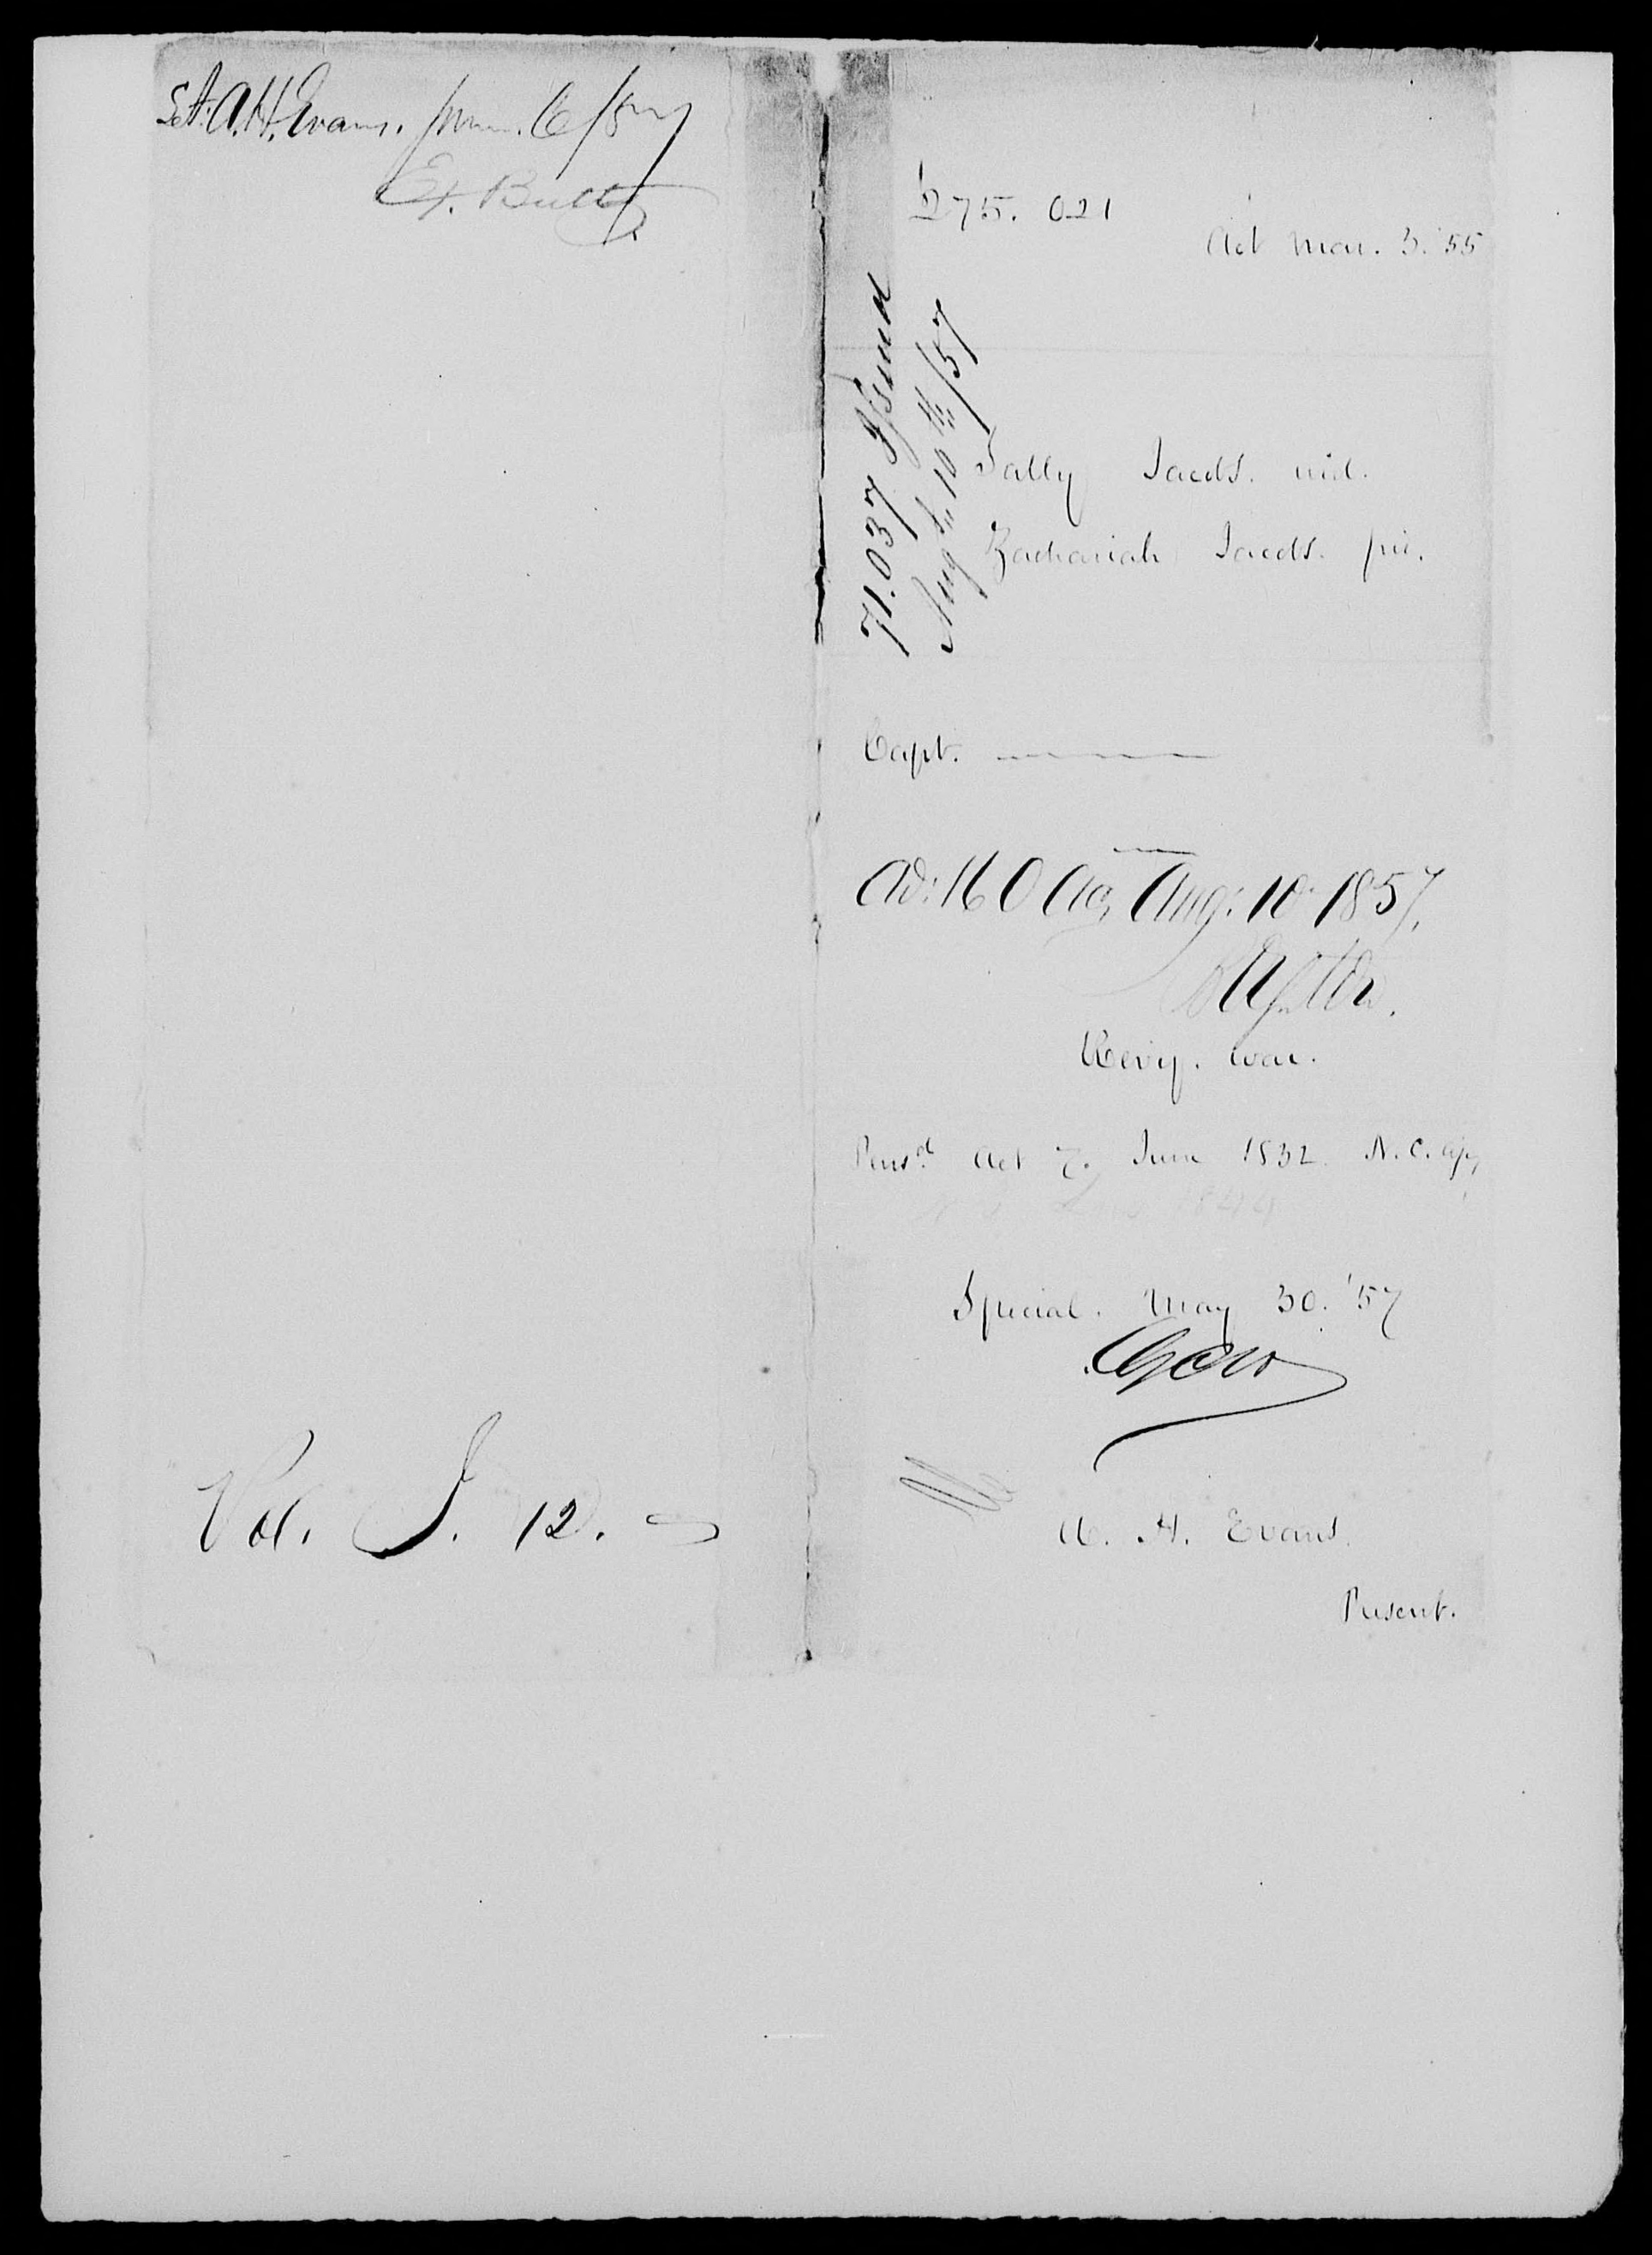[left side of page]
Set: A. H. Evans [illegible]
              E. Butts

Vol. I  12.


[right side of page]
275.21
       act Mar 3 '55

Sally Jacobs. wid.
Zachariah Jacobs.  pri.

Capt.   [blank]

W: 160 Ac.  Aug 10 1857
                       [illegible]
                       Revy. war.

Pens'd act 7 June 1832  N.C. [illegible]

       Special   May 30.  '57

[Signature]  A Evans
                 A. H. Evans
                                                    Present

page: 6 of 40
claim: widow's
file: W. 5304, for Zachariah Jacobs, North Carolina